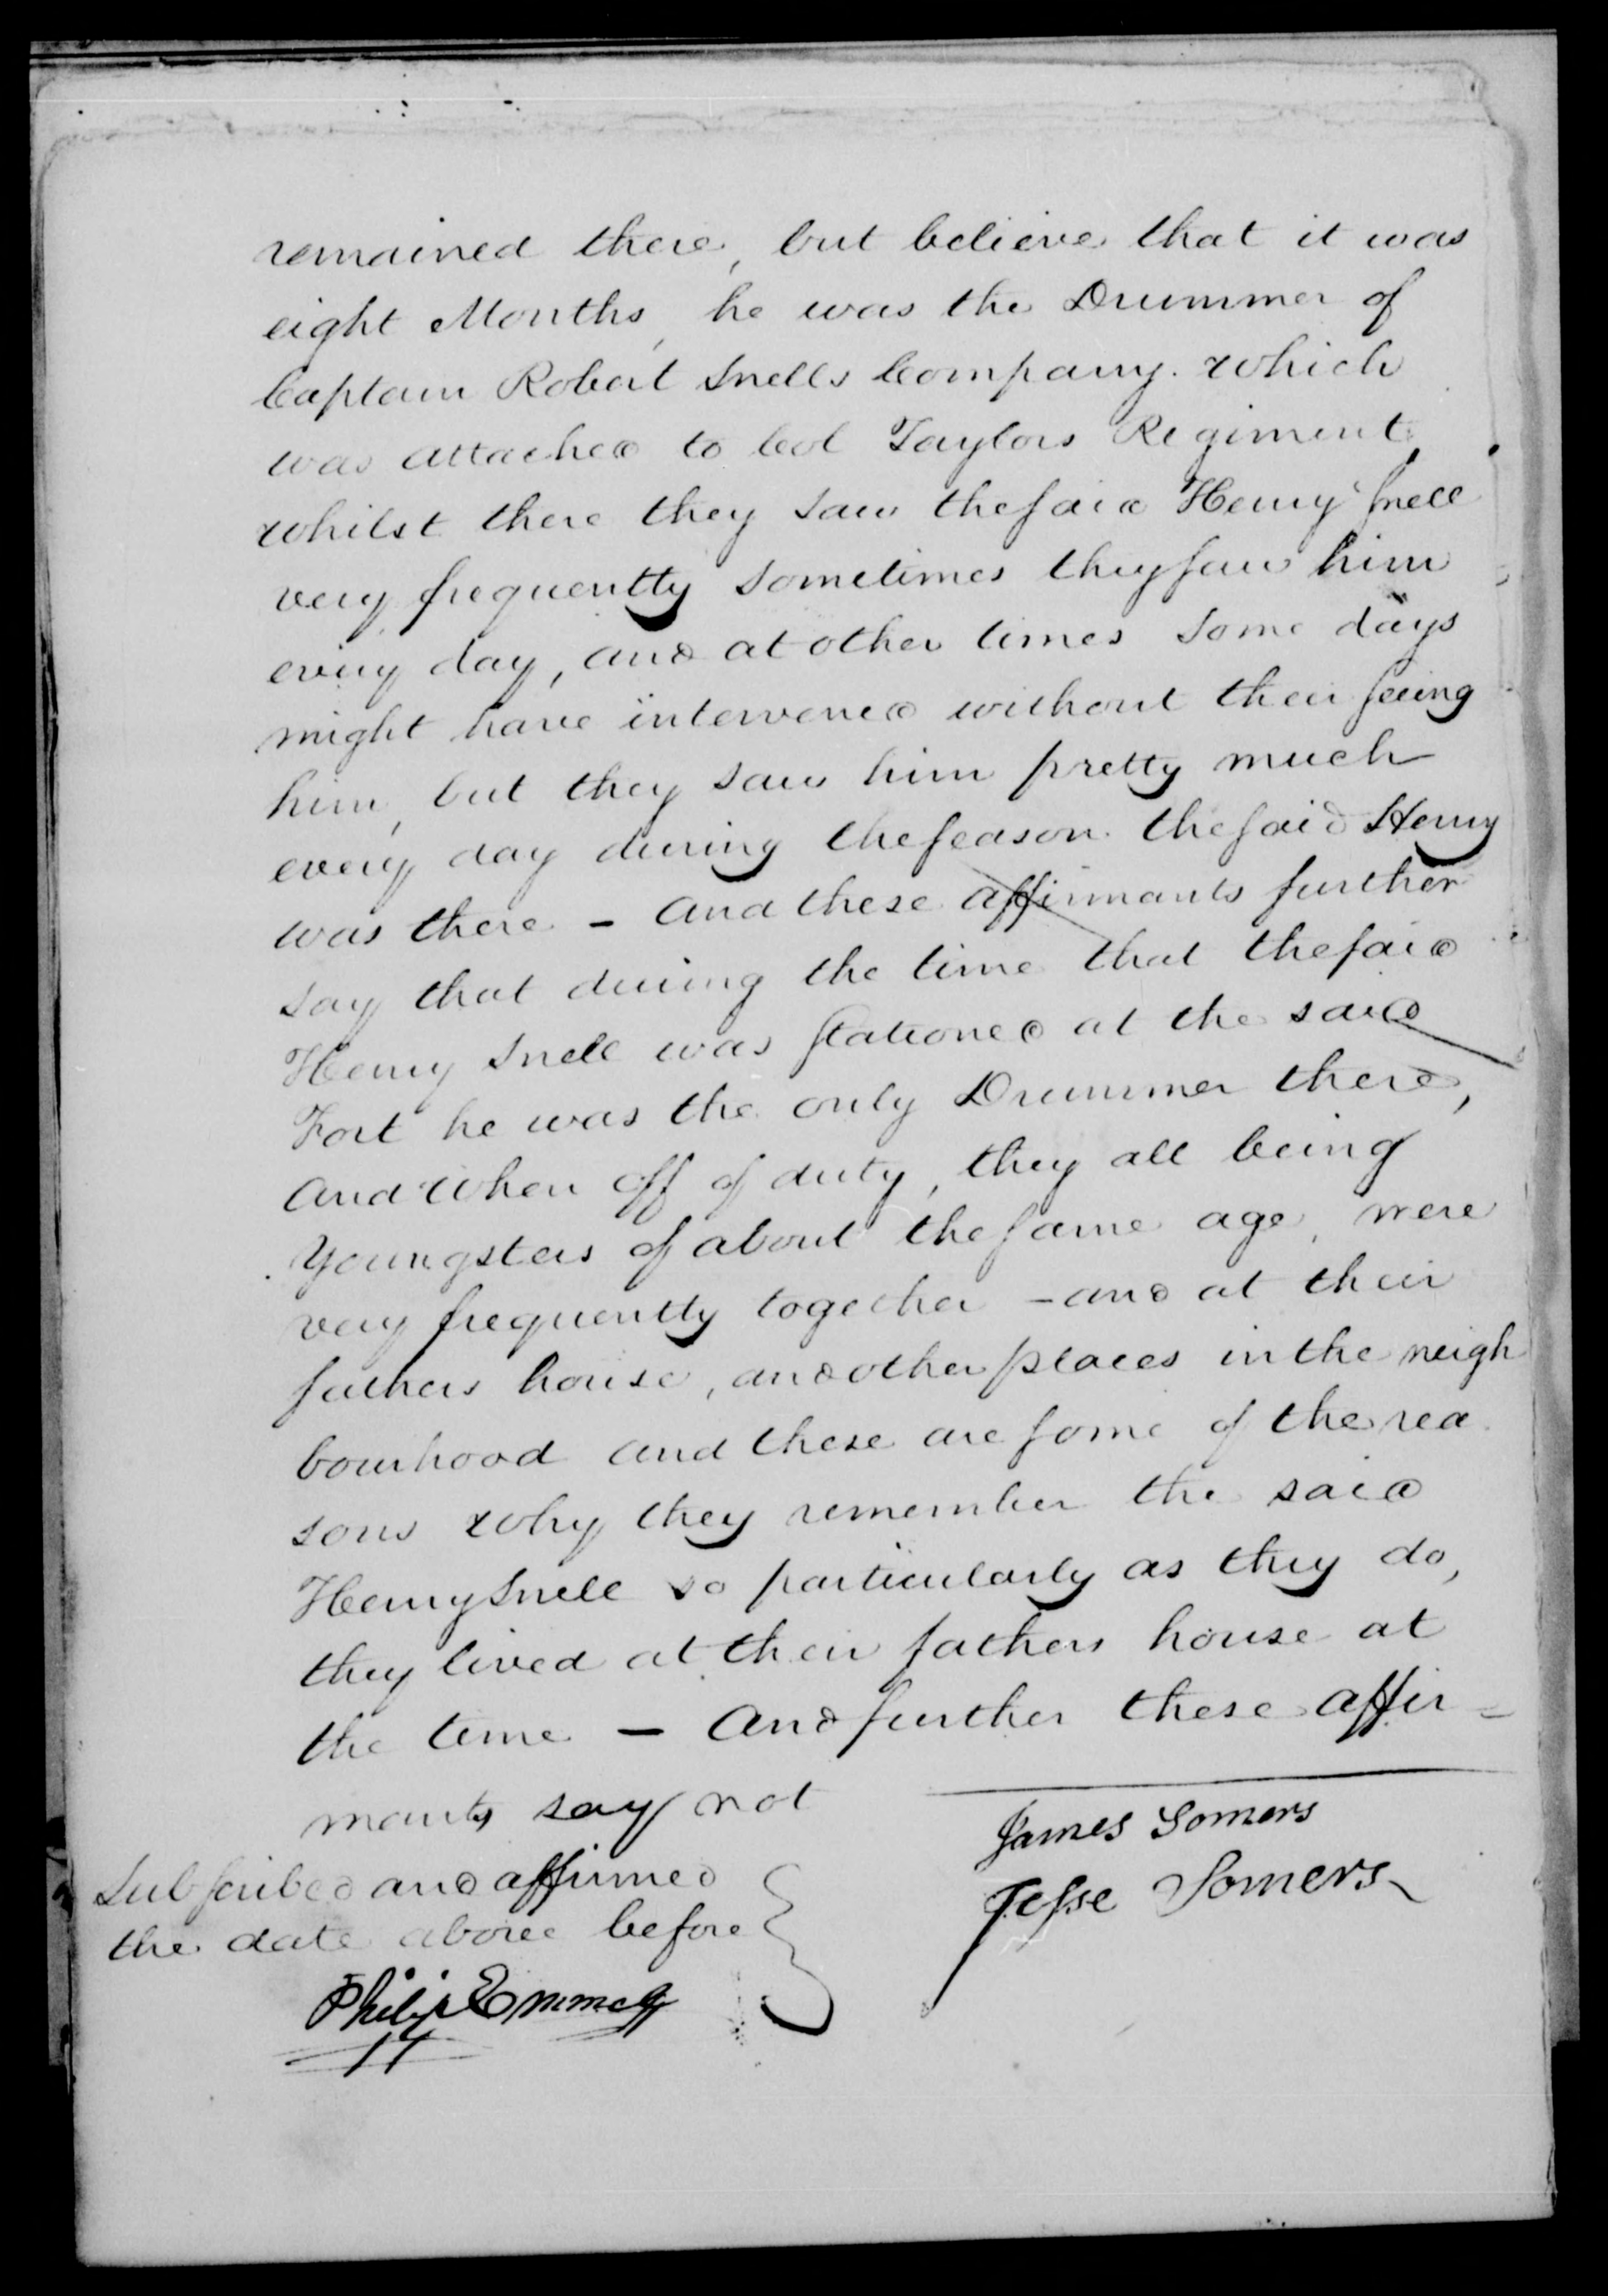remained there, but believe that it was eight months, he was the Drummer of Captain Robert Snell’s Company, which was attached to Col Taylor’s Regiment whilst there they saw the said Henry Snell very frequently sometime they saw him every day, and at other times some days might have intervened without their seeing him, but they saw him pretty much every day during the season. The said Henry Snell was there.  And these affirmants further say that during the time that the said Henry Snell was stationed at the said Fort he was the only Drummer there, and when off of duty, they all being youngsters of about the same ager, were very frequently together – and at their fathers house, and other places in the neighborhood and these are some of the reasons why they remember the said Henry Snell so particularly as they do, they lived at their fathers house at the time.  And further these affirmants say not

Subscribed and affirmed the day above before
Philip Emmell

[signed]
James Somers
Jesse Somers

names: Jesse Somers; James Somers; Henry Snell; Henry Snell; Henry [BLANK]; Philip Emmel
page: 15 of 27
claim: rejected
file: R. 9,892, for Henry Snell, New Jersey